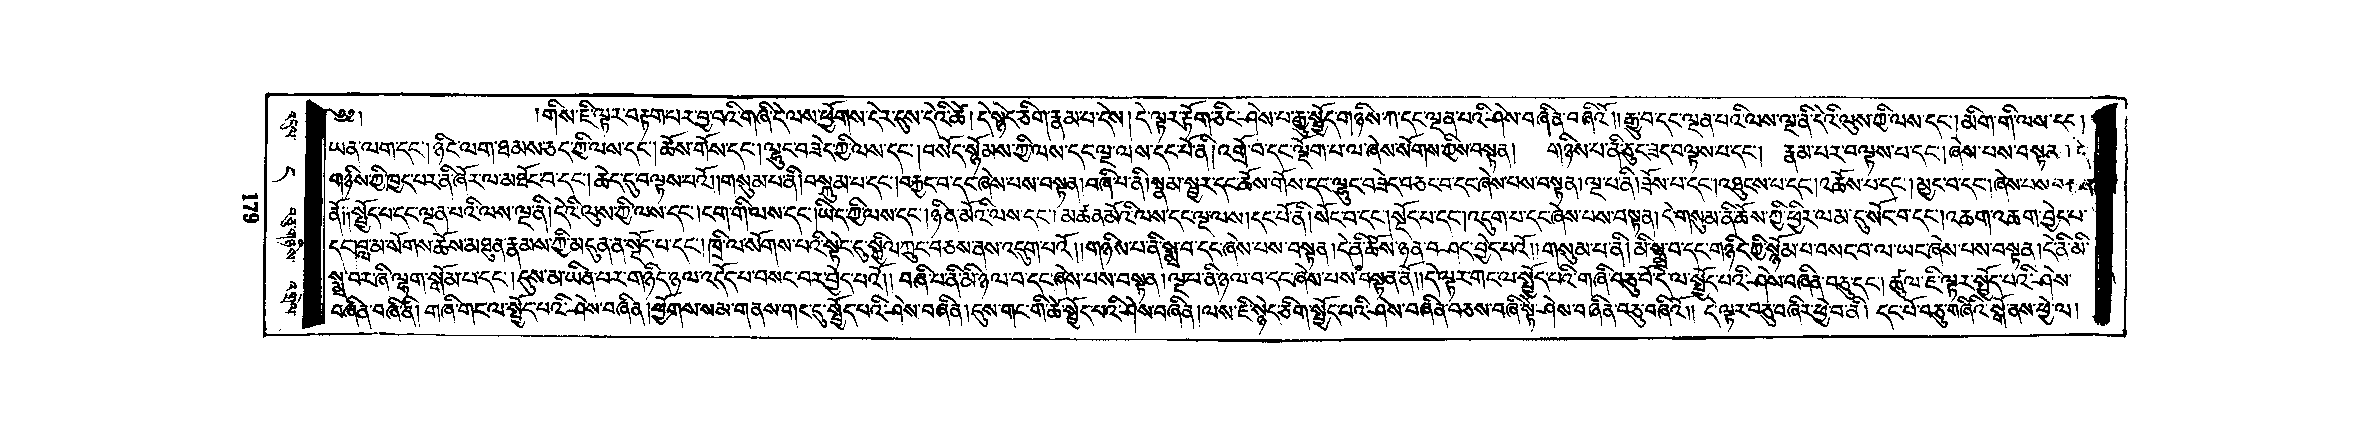༄༅། །གིས་ཇི་ལྟར་བརྟག་པར་བྱ་བའི་གཞི་དེ་ལས་ཕྱོགས་དེར་དུས་དེའི་ཚེ། དེ་སྙེད་ཅིག་རྣམ་པ་དེས། དེ་ལྟར་རྟོག་ཅིང་ཤེས་པ་རྒྱུ་སྤྱོད་གཉིས་ཀ་དང་ལྡན་པའི་ཤེས་བཞིན་བཞིའོ། །རྒྱུ་བ་དང་ལྡན་པའི་ལས་ལྔ་ནི་དེའི་ལུས་ཀྱི་ལས་དང་། མིག་གི་ལས་དང་།
ཡན་ལག་དང་། ཉིང་ལག་ཐམས་ཅད་ཀྱི་ལས་དང་། ཆོས་གོས་དང་། ལྷུང་བཟེད་ཀྱི་ལས་དང་། བསོད་སྙོམས་ཀྱི་ལས་དང་ལྔ་ལས་དང་པོ་ནི། འགྲོ་བ་དང་ལྡོག་པ་ལ་ཞེས་སོགས་ཀྱིས་བསྟན། གཉིས་པ་ནི་ཅུང་ཟད་བལྟས་པ་དང་། རྣམ་པར་བལྟས་པ་དང་། ཞེས་པས་བསྟན། དེ་
གཉིས་ཀྱི་ཁྱད་པར་ནི་ཞོར་ལ་མཐོང་བ་དང་། ཆེད་དུ་བལྟས་པའོ། །གསུམ་པ་ནི། བསྐུམ་པ་དང་། བརྐྱང་བ་དང་ཞེས་པས་བསྟན། བཞི་པ་ནི། སྣམ་སྦྱར་དང་ཆོས་གོས་དང་ལྷུང་བཟེད་བཅང་བ་དང་ཞེས་པས་བསྟན། ལྔ་པ་ནི། ཟོས་པ་དང་། འཐུངས་པ་དང་། འཆོས་པ་དང་། མྱང་བ་དང་། ཞེས་པས་བསྟན་
ནོ། །སྤྱོད་པ་དང་ལྡན་པའི་ལས་ལྔ་ནི། དེའི་ལུས་ཀྱི་ལས་དང་། ངག་གི་ལས་དང་། ཡིད་ཀྱི་ལས་དང་། ཉིན་མོའི་ལས་དང་། མཚན་མོའི་ལས་དང་ལྔ་ལས། དང་པོ་ནི། སོང་བ་དང་། སྡོད་པ་དང་། འདུག་པ་དང་ཞེས་པས་བསྟན། དེ་གསུམ་ནི་ཆོས་ཀྱི་ཕྱིར་ལམ་དུ་སོང་བ་དང་། འཆག་འཆག་བྱེད་པ་
དང་། བླ་མ་སོགས་ཆོས་མཐུན་རྣམས་ཀྱི་མདུན་ན་སྡོད་པ་དང་། ཁྲི་ལ་སོགས་པའི་སྟེང་དུ་སྐྱིལ་ཀྲུང་བཅས་ནས་འདུག་པའོ། །གཉིས་པ་ནི་སྨྲ་བ་དང་ཞེས་པས་བསྟན། དེ་ནི་ཆོས་ཉན་བཤད་བྱེད་པའོ། །གསུམ་པ་ནི། མི་སྨྲ་བ་དང་གཉིད་ཀྱི་སྙོམ་པ་བསང་བ་ལ་ཡང་ཞེས་པས་བསྟན། དེ་ནི་མི་
སྨྲ་བར་ཞི་ལྷག་སྒོམ་པ་དང་། དུས་མ་ཡིན་པར་གཉིད་ཉལ་འདོད་པ་བསང་བར་བྱེད་པའོ། །བཞི་པ་ནི་མི་ཉལ་བ་དང་ཞེས་པས་བསྟན། ལྔ་པ་ནི་ཉལ་བ་དང་ཞེས་པས་བསྟན་ནོ། །དེ་ལྟར་གང་ལ་སྤྱོད་པའི་གཞི་བཅུ་བོ་དེ་ལ་སྤྱོད་པའི་ཤེས་བཞིན་བཅུ་དང་། ཚུལ་ཇི་ལྟར་སྤྱོད་པའི་ཤེས་
བཞིན་བཞི་ནི། གཞི་གང་ལ་སྤྱོད་པའི་ཤེས་བཞིན། ཕྱོགས་སམ་གནས་གང་དུ་སྤྱོད་པའི་ཤེས་བཞིན། དུས་གང་གི་ཚེ་སྤྱོད་པའི་ཤེས་བཞིན་བཅས་བཞི་སྟེ་ཤེས་བཞིན་བཅུ་བཞིའོ། །དེ་ལྟར་བཅུ་བཞིར་ཕྱེ་བ་ནི། དང་པོ་བཅུ་གཞིའི་སྒོ་ནས་ཕྱེ་ལ།